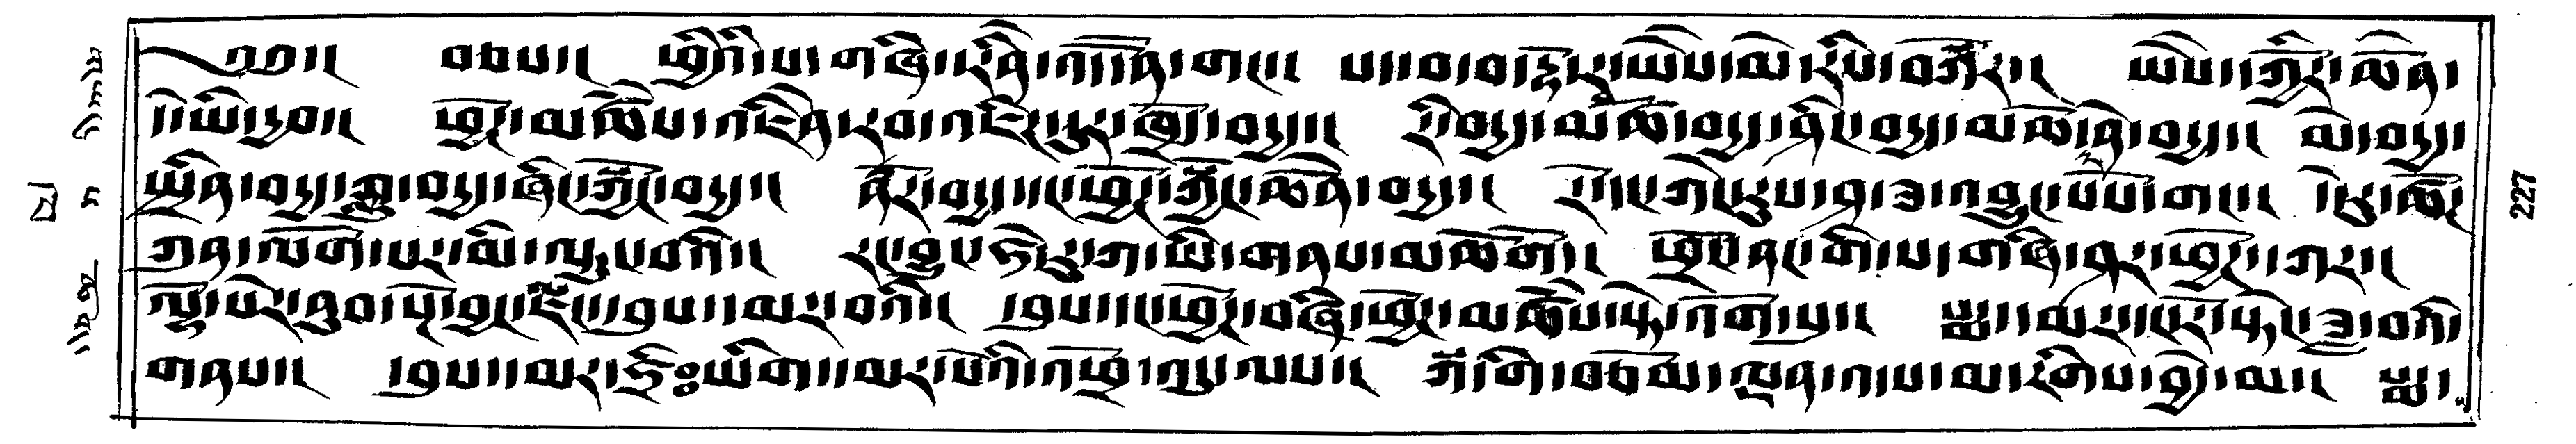བཅས། །ཕྱིའི་ས་གཞི་རིན་ཆེན་འདོད་ཡོན་གང་། །པད་འདབ་རྡོ་རྭ་ཡེ་ཤེས་མེ་རིས་བསྐོར། །ཡེ་ཤེས་དཀྱིལ་འཁོར་ཆེན་པོ་
དེ་ཡི་རྒྱབ། །ཕྱོགས་མཚམས་འཇིག་རྟེན་རབ་འཇིགས་དུར་ཁྲོད་བརྒྱད། །རི་བརྒྱད་མཚོ་བརྒྱད་ཤིང་བརྒྱད་མཆོད་རྟེན་བརྒྱད། །མེ་བརྒྱད་
སྤྲིན་བརྒྱད་ཀླུ་བརྒྱད་ཞིང་སྐྱོང་བརྒྱད། །རྣོར་བརྒྱད་དང་ཕྱོགས་སྐྱོང་ཆེན་པོ་བརྒྱད། །རོ་དང་ཀེང་རུས་ཤ་ཟ་འབྱུང་པོས་གང་། དེ་རུ་ཚོགས་
ཀུན་ལོག་པར་མི་ལྟུང་བའི། །རང་བྱུངཧེ་རུ་ཀ་ཡི་གནས་མཆོག་གོ། ཕོ་བྲང་ནང་གི་ས་གཞི་ཤར་ཕྱོགས་དཀར། །
ལྷོ་སེར་ནུབ་སྔོ་བྱང་ལྗང་དབུས་དམར་བའི། །དབུས་དང་ཕྱོགས་བཞི་ཕྱོགས་མཚམས་སྟེང་འོག་ཏུ། །པདྨ་དམར་དང་རོ་སྟེང་ཟླ་བའི་
གནས། དབུས་དམར་ཧྲིཿཡིག་དམར་པོའི་འཕྲོ་འདུ་ལས། །སྐད་ཅིག་བཅོམ་ལྡན་འདས་མ་རིག་བྱེད་མ། །པདྨ་